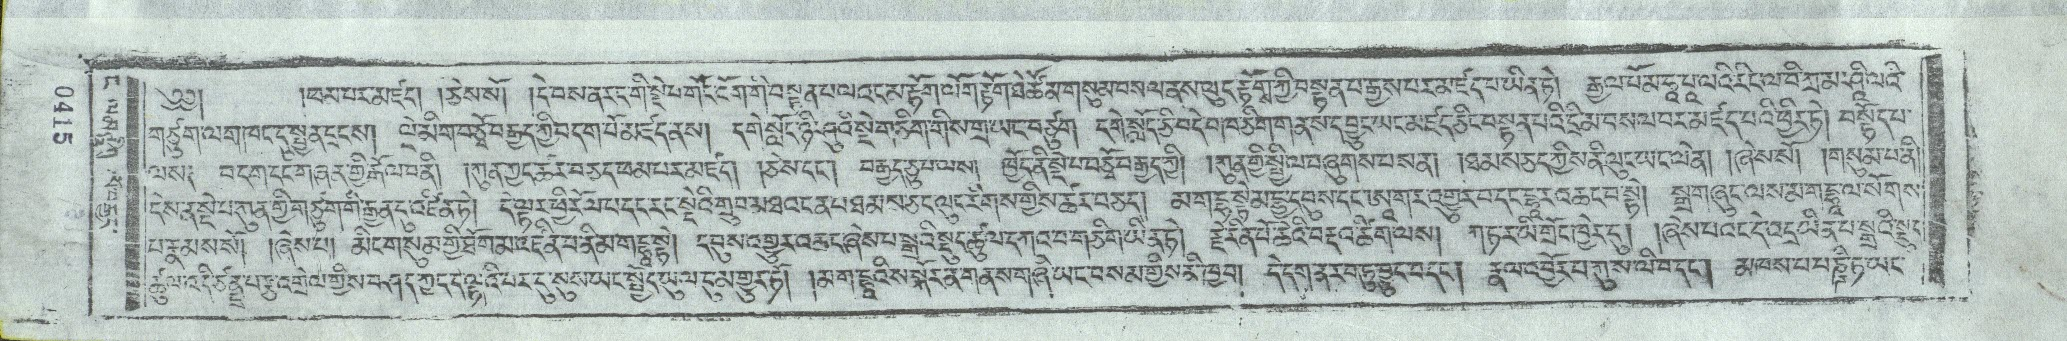༄༅། །ཕམ་པར་མཛད། །ཅེས་སོ། །དེ་བས་ན་རང་གི་སྡེ་པ་གོང་ངོག་གི་བསྟན་པ་ལའང་མ་རྟོག་ལོག་རྟོག་ཐེ་ཚོམ་གསུམ་བསལ་ནས་ལུང་རྟོགས་ཀྱི་བསྟན་པ་རྒྱས་པར་མཛད་པ་ཡིན་ཏེ། རྒྱལ་པོ་མ་ཏཱ་པཱ་ལའི་པི་བལ་བི་ཀྲ་མ་ཤཱི་ལའི་
གཙུག་ལག་ཁང་དུ་སྤྱན་དྲངས། ལྔེ་མིག་བཅྭོ་བརྒྱད་ཀྱི་བདག་པོ་མཛད་ནས། དགེ་སློང་ཉི་ཤུའི་སྡེ་གཅིག་གིས་གྲ་ཡང་བཙུག་དགེ་སློང་ཅི་བདེབ་ཁ་ཅིག་གནས་དབྱུང་ཡང་མཛད་ཅིང་བསྟན་པའི་དྲིམ་བསལ་བར་མཛད་བའི་ཕྱིར་ཏེ། བསྟོད་པ་
ལས༑ བདག་དང་གཞན་གྱི་རྒོལ་བ་ནི། །ཀུན་ཀྱང་ཚར་བཅད་ཕམ་པར་མཛད། །ཅེས་དང་། བརྒྱད་ཅུ་པ་ལས། ཁྱོད་ནི་སྡེ་པ་བཅྭོ་བརྒྱད་ཀྱི། །ཀུན་གྱི་སྤྱི་ལ་བཞུགས་པས་ན། །ཐམས་ཅད་ཀྱིས་ནི་ལུང་ཡང་ལེན། །ཞེས་སོ། །གསུམ་པ་ནི།
དེས་ན་སྔེ་པ་ཀུན་གྱི་གཙུག་གི་རྒྱན་དུ་འཛིན་ཏེ། དེ་ལྟར་ཕྱི་རོལ་པ་དང་རང་སྡེའི་གྲུབ་མཐའ་ངན་པ་ཐམས་ཅད་ལུང་རིགས་གྱིས་ཚར་བཅད། མ་ག་དྷ་སྟེ་མ་བྷྱ་དབུས་དང་ཨཱ་གར་འགྱུར་བ་དང་དྷཱ་ར་འཆང་བ་སྟེ། སྒྲ་གཞུང་ལས་མ་ག་དྷཱ་ལ་སོགས་
པ་རྣམས་སོ། །ཞེས་པ། མིང་གསུམ་གྱི་ཐོག་མ་འཛིན་པ་ནི་མ་ག་དྷཱ་སྟེ། དབུས་འགྱུར་འཆང་ཞེས་པ་སྒྲའི་སྡུད་ཚུལ་དཀའ་པ་གཅིག་ཡིན་ཏེ། རྗེ་རིན་པོ་ཆེའི་བརྡ་འ་ཚིག་ལས། ཀ་ཏ་ར་ཡི་གྲོང་ཁྱེར་དུ། །ཞེས་པའང་དེ་འདྲ་ཡིན་པ་སྒྲའི་སྡུད་
ཚུལ་འདི་ཙནྡྲ་པ་རྩ་འགྲེལ་གྱིས་བཤད་ཀྱང་ད་ལྟའི་པར་དུ་སུས་ཡང་སྤྱོད་ཡུལ་དུ་མ་གྱུར་ཏོ། །མག་དྷཱའི་ས་སྐོར་ན་གནས་གཞི་ཡང་བསམ་གྱིས་མི་ཁྱབ། དེ་དག་ན་རབ་ཏུ་བྱུང་བ་དང་། རྣལ་འབྱོར་པ་ཀུ་ས་ལི་བ་དང་། མཁས་པ་པཎྜི་ཏ་ལང་